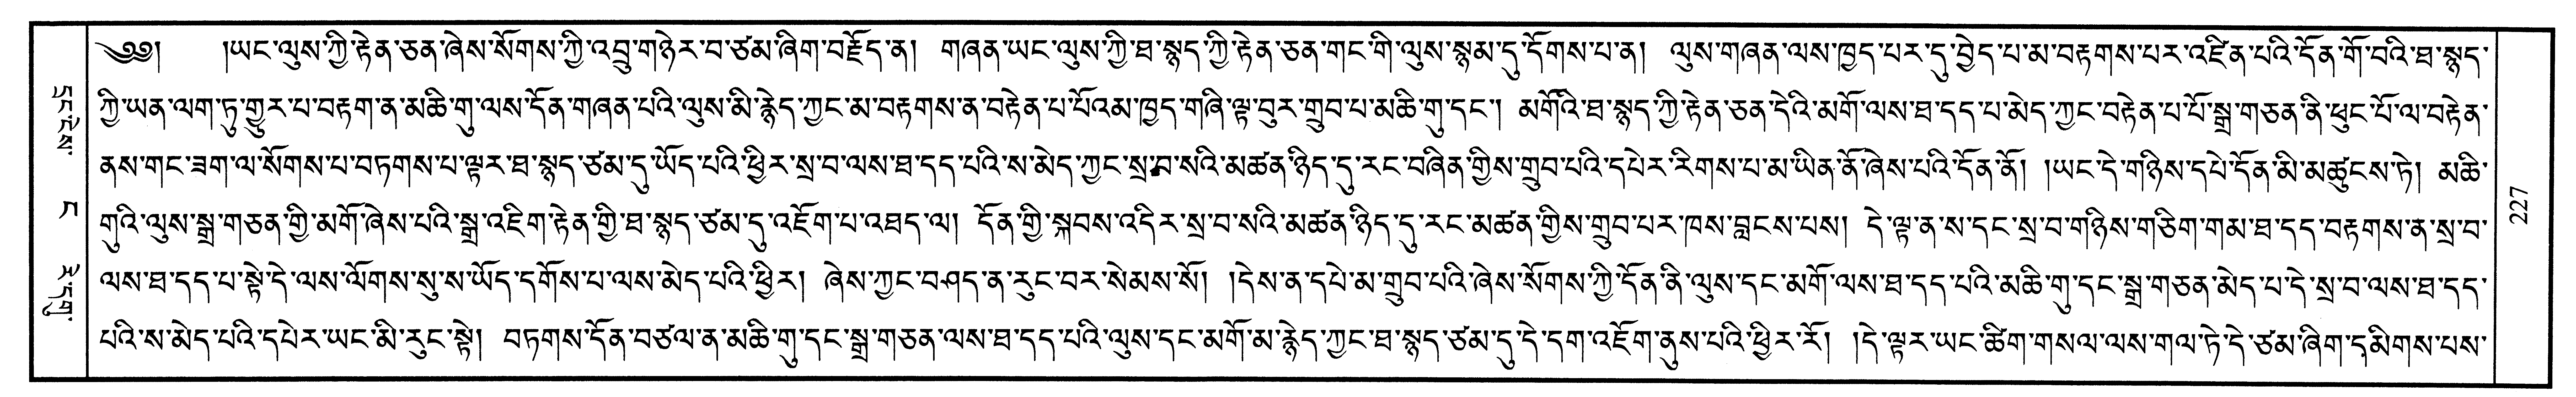༄༅། །ཡང་ལུས་ཀྱི་རྟེན་ཅན་ཞེས་སོགས་ཀྱི་འབྲུ་གཉེར་བ་ཙམ་ཞིག་བརྗོད་ན། གཞན་ཡང་ལུས་ཀྱི་ཐ་སྙད་ཀྱི་རྟེན་ཅན་གང་གི་ལུས་སྙམ་དུ་དོགས་པ་ན། ལུས་གཞན་ལས་ཁྱད་པར་དུ་བྱེད་པ་མ་བརྟགས་པར་འཛིན་པའི་དོན་གོ་བའི་ཐ་སྙད་
ཀྱི་ཡན་ལག་ཏུ་གྱུར་པ་བརྟག་ན་མཆི་གུ་ལས་དོན་གཞན་པའི་ལུས་མི་རྙེད་ཀྱང་མ་བརྟགས་ན་བརྟེན་པ་པོའམ་ཁྱད་གཞི་ལྟ་བུར་གྲུབ་པ་མཆི་གུ་དང་། མགོའི་ཐ་སྙད་ཀྱི་རྟེན་ཅན་དེའི་མགོ་ལས་ཐ་དད་པ་མེད་ཀྱང་བརྟེན་པ་པོ་སྒྲ་གཅན་ནི་ཕུང་པོ་ལ་བརྟེན་
ནས་གང་ཟག་ལ་སོགས་པ་བཏགས་པ་ལྟར་ཐ་སྙད་ཙམ་དུ་ཡོད་པའི་ཕྱིར་སྲ་བ་ལས་ཐ་དད་པའི་ས་མེད་ཀྱང་སྲ་བ་སའི་མཚན་ཉིད་དུ་རང་བཞིན་གྱིས་གྲུབ་པའི་དཔེར་རིགས་པ་མ་ཡིན་ནོ་ཞེས་པའི་དོན་ནོ། །ཡང་དེ་གཉིས་དཔེ་དོན་མི་མཚུངས་ཏེ། མཆི་
གུའི་ལུས་སྒྲ་གཅན་གྱི་མགོ་ཞེས་པའི་སྒྲ་འཇིག་རྟེན་གྱི་ཐ་སྙད་ཙམ་དུ་འཇོག་པ་འཐད་ལ། དོན་གྱི་སྐབས་འདིར་སྲ་བ་སའི་མཚན་ཉིད་དུ་རང་མཚན་གྱིས་གྲུབ་པར་ཁས་བླངས་པས། དེ་ལྟ་ན་ས་དང་སྲ་བ་གཉིས་གཅིག་གམ་ཐ་དད་བརྟགས་ན་སྲ་བ་
ལས་ཐ་དད་པ་སྟེ་དེ་ལས་ལོགས་སུ་ས་ཡོད་དགོས་པ་ལས་མེད་པའི་ཕྱིར། ཞེས་ཀྱང་བཤད་ན་རུང་བར་སེམས་སོ། །དེས་ན་དཔེ་མ་གྲུབ་པའི་ཞེས་སོགས་ཀྱི་དོན་ནི་ལུས་དང་མགོ་ལས་ཐ་དད་པའི་མཆི་གུ་དང་སྒྲ་གཅན་མེད་པ་དེ་སྲ་བ་ལས་ཐ་དད་
པའི་ས་མེད་པའི་དཔེར་ཡང་མི་རུང་སྟེ། བཏགས་དོན་བཙལ་ན་མཆི་གུ་དང་སྒྲ་གཅན་ལས་ཐ་དད་པའི་ལུས་དང་མགོ་མ་རྙེད་ཀྱང་ཐ་སྙད་ཙམ་དུ་དེ་དག་འཇོག་ནུས་པའི་ཕྱིར་རོ། །དེ་ལྟར་ཡང་ཚིག་གསལ་ལས་གསལ་ཏེ་དེ་ཙམ་ཞིག་དམིགས་པས་